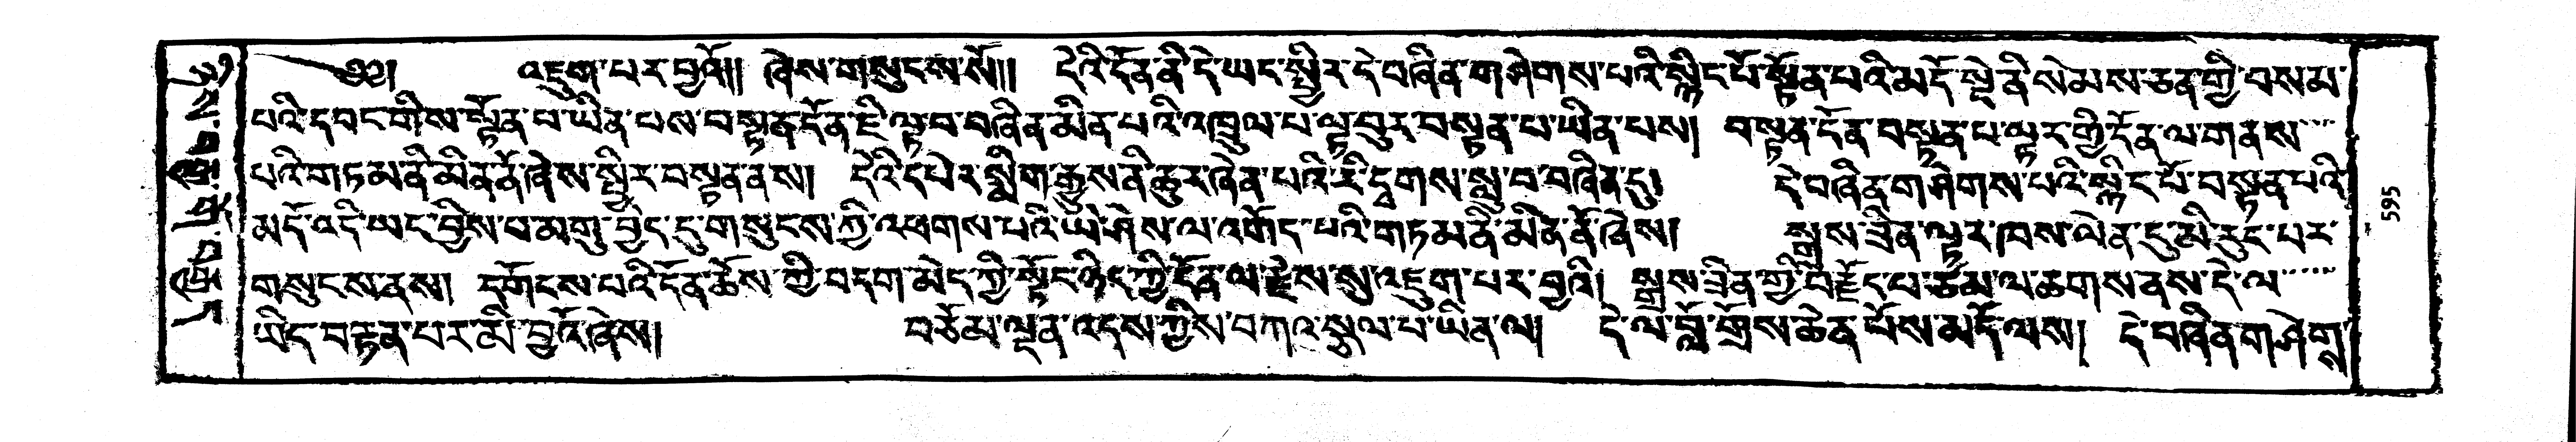༄༅། །འཇུག་པར་བྱའོ། །ཞེས་གསུངས་སོ། །དེའི་དོན་ནི་དེ་ཡང་སྤྱིར་དེ་བཞིན་གཤེགས་པའི་སྙིང་པོ་སྟོན་པའི་མདོ་སྡེ་ནི་སེམས་ཅན་གྱི་བསམ་
པའི་དབང་གིས་སྟོན་པ་ཡིན་པས་བསྟན་དོན་ཇི་ལྟ་བ་བཞིན་མིན་པའི་འཁྲུལ་པ་ལྟ་བུར་བསྟན་པ་ཡིན་པས། བསྟན་དོན་བསྟན་པ་ལྟར་གྱི་དོན་ལ་གནས་
པའི་གཏམ་ནི་མིན་ནོ་ཞེས་སྤྱིར་བསྟན་ནས། དེའི་དཔེར་སྨིག་རྒྱུས་ནི་ཆུར་ཞེན་པའི་རི་དྭགས་སླུ་བ་བཞིན་དུ། དེ་བཞིན་གཤེགས་པའི་སྙིང་པོ་བསྟན་པའི་
མདོ་འདི་ཡང་བྱིས་པ་མགུ་བྱེད་དུ་གསུངས་ཀྱི་འཕགས་པའི་ཡེ་ཤེས་ལ་འགོད་པའི་གཏམ་ནི་མིན་ནོ་ཞེས། སྒྲས་ཟིན་ལྟར་ཁས་ལེན་དུ་མི་རུང་པར་
གསུངས་ནས། དགོངས་པའི་དོན་ཆོས་ཀྱི་བདག་མེད་ཀྱི་སྟོང་ཉིད་ཀྱི་དོན་ལ་རྗེས་སུ་འཇུག་པར་བྱའི། སྒྲས་ཟིན་གྱི་བརྗོད་པ་ཙམ་ལ་ཆགས་ནས་དེ་ལ་
ཡིད་བརྟན་པར་མི་བྱའོ་ཞེས། བཅོམ་ལྡན་འདས་ཀྱིས་བཀའ་སྩལ་པ་ཡིན་ལ། དེ་ལ་བློ་གྲོས་ཆེན་པོས་མདོ་ལས། དེ་བཞིན་གཤེགས་